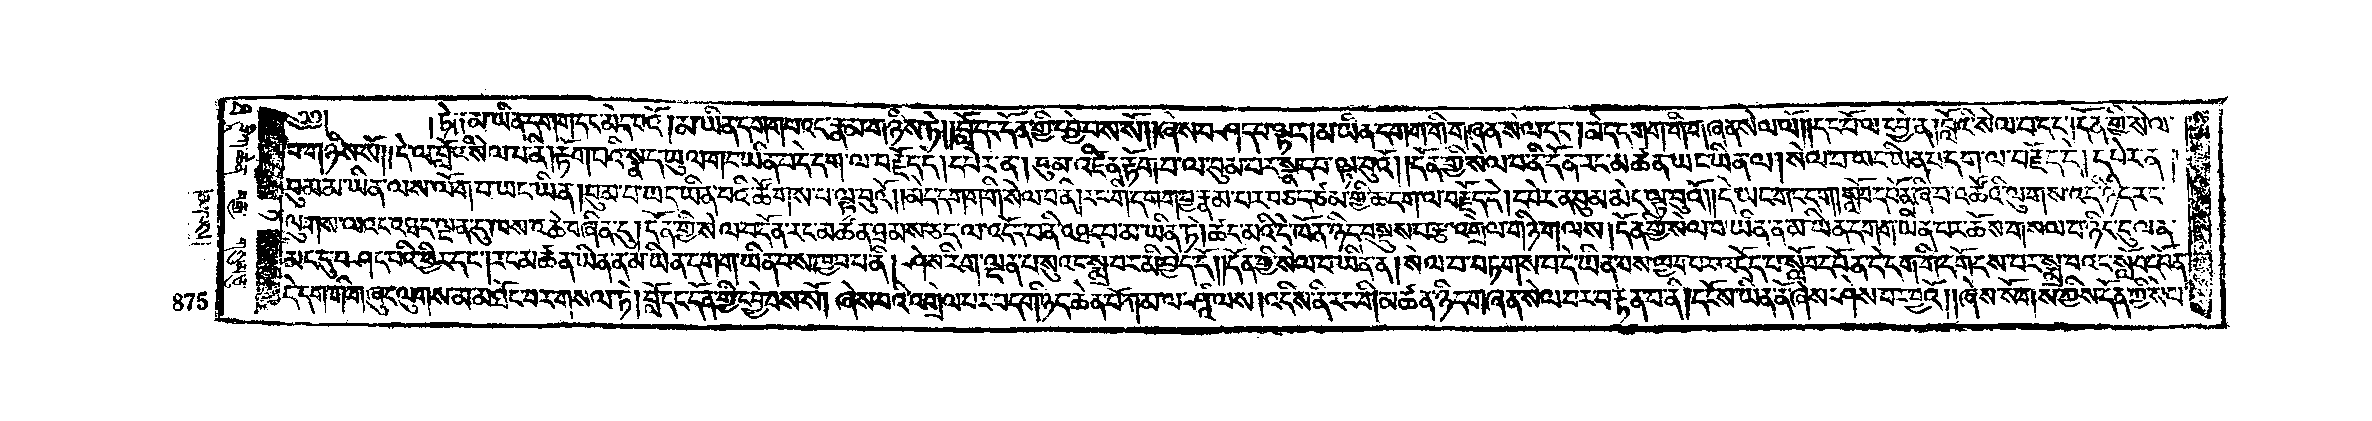༄༅། །ཏེ༑ ༑མ་ཡིན་དགག་དང་མེད་པའོ། མ་ཡིན་དགག་པའང་རྣམ་གཉིད་ཏེ། །བློ་དང་དོན་གྱི་དབྱེ་བས་སོ། །ཞེས་བཤད་པ་ལྟར། མ་ཡིན་དགག་གི་གཞན་སེལ་དང་། མེད་དགག་གི་གཞན་སེལ་ལོ། །དང་པོ་ལ་དབྱེ་ན། བློའི་སེལ་བ་དང་། དོན་གྱི་སེལ་
བ་གཉིས་སོ། །དེ་ལ་བློའི་སེལ་བ་ནི། རྟོག་པའི་སྣང་ཡུལ་གང་ཡིན་པ་དེ་དག་ལ་བརྗོད་དེ། དཔེར་ན། བུམ་འཛིན་རྟོག་པ་ལ་བུམ་པར་སྣང་བ་ལྟ་བུའོ། །དོན་གྱི་སེལ་བ་ནི་དོན་རང་མཚན་ཡང་ཡིན་ལ། སེལ་བ་ཡང་ཡིན་པ་དག་ལ་བརྗོད་དེ། དཔེར་ན།
བུམ་མ་ཡིན་ལས་ལོག་པ་ཡང་ཡིན། བུམ་པ་ཡང་ཡིན་པའི་ཚོགས་པ་ལྟ་བུའོ། །མེད་དགག་གི་སེལ་བ་ནི། རང་གི་དགག་བྱ་རྣམ་པར་བཅད་ཙམ་གྱི་ཆ་དག་ལ་བརྗོད་དེ། དཔེར་ན་བུམ་མེད་ལྟ་བུའོ། །དེ་ཡང་གང་དག །སློབ་དཔོན་ཞི་བ་འཚོའི་ལུགས་འདི་ཉིད་རང་
ལུགས་ལའང་འཐད་ལྡན་དུ་ཁས་འཆེ་བཞིན་དུ། དོན་གྱི་སེལ་བ་དོན་རང་མཚན་ཐམས་ཅད་ལ་འདོད་པ་ནི་འཐད་པ་མ་ཡིན་ཏེ། ཚད་མའི་དེ་ཁོ་ན་ཉིད་བསྡུས་པ་རྩ་འབྲེལ་གཉི་ག་ལས། དོན་གྱི་སེལ་བ་ཡིན་ནམ་ཡིན་དགག་ཡིན་པར་ཆོས་གསལ་བ་ཉིད་དུ་ལན་
མང་དུ་བཤད་པའི་ཕྱིར་དང་། རང་མཚན་ཡིན་ན་མ་ཡིན་དགག་ཡིན་པས་ཁྱབ་པ་ནི། ཤེས་རིག་ལྡན་པ་སུའང་སྨྲ་བར་མི་བྱེད་དོ། །དོན་གྱི་སེལ་བ་ཡིན་ན། སེལ་བ་བཏགས་པ་དེ་ཡིན་པས་ཁྱབ་པར་འདོད་པ་སློབ་དཔོན་དེ་དག་གི་དགོངས་པར་སྨྲ་བའང་སློབ་དཔོན་
དེ་དག་གི་གཞུང་ལུགས་མ་མཐོང་བར་གསལ་ཏེ། བློ་དང་དོན་གྱི་དབྱེ་བས་སོ། ཞེས་པའི་འགྲེལ་བར་བདག་ཉིད་ཆེན་པོ་ཀ་མ་ལ་ཤཱ་ལས། འདིས་ནི་རང་གི་མཚན་ཉིད་གཞན་སེལ་བར་བརྟེན་པ་ནི། དངོས་ཡིན་ནོ་ཞེས་ཤེས་པར་བྱའོ། །ཞེས་སོགས་ཀྱིས་དོན་ཀྱི་སེལ་